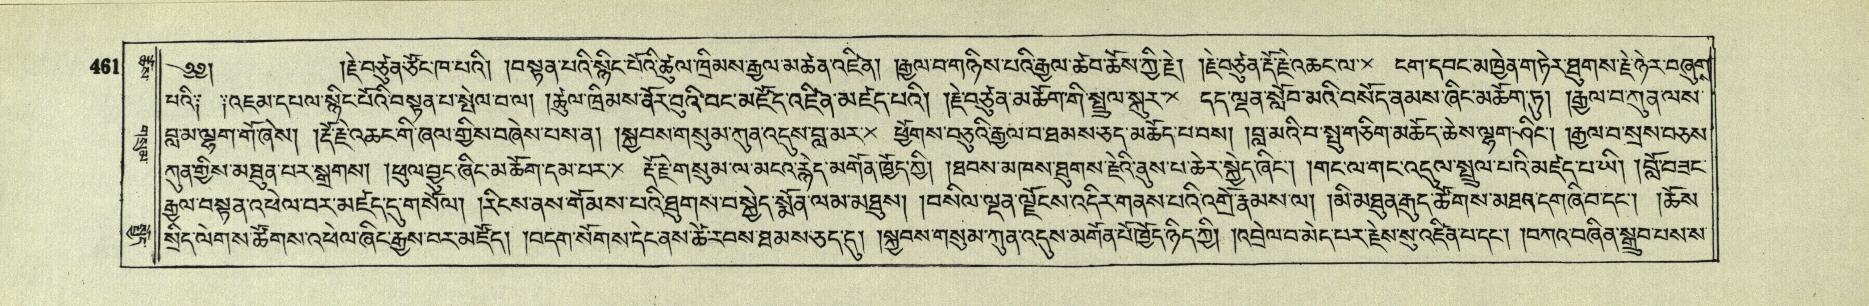༄༅། །རྗེ་བཙུན་ཙོང་ཁ་པའི། །བསྟན་པའི་སྙིང་པོའི་ཚུལ་ཁྲིམས་རྒྱལ་མཚན་འཛིན། །རྒྱལ་བ་གཉིས་པའི་རྒྱལ་ཚབ་ཆོས་ཀྱི་རྗེ། །རྗེ་བཙུན་རྡོ་རྗེ་འཆང་ལ་྾་ངག་དབང་མཁྱེན་གཏེར་ཐུགས་རྗེ་ཉེར་བཞུགས་
པའི༑ ༑འཇམ་དཔལ་སྙིང་པོའི་བསྟན་པ་སྤེལ་བ་ལ། །ཚུལ་ཁྲིམས་ནོར་བུའི་བང་མཛོད་འཛིན་མཛད་པའི། །རྗེ་བཙུན་མཆོག་གི་སྤྲུལ་སྐུར་྾་དད་ལྡན་སློབ་མའི་བསོད་ནམས་ཞིང་མཆོག་ཏུ། །རྒྱལ་བ་ཀུན་ལས་
བླ་མ་ལྷག་གོ་ཞེས། །རྡོ་རྗེ་འཆང་གི་ཞལ་གྱིས་བཞེས་པས་ན། །སྐྱབས་གསུམ་ཀུན་འདུས་བླ་མར་྾་ཕྱོགས་བཅུའི་རྒྱལ་བ་ཐམས་ཅད་མཆོད་པ་བས། །བླ་མའི་བ་སྤུ་གཅིག་མཆོད་ཆེས་ལྷག་ཤིང་། །རྒྱལ་བ་སྲས་བཅས་
ཀུན་གྱིས་མཐུན་པར་སྒྲགས། །ཕུལ་བྱུང་ཞིང་མཆོག་དམ་པར་྾་རྡོ་རྗེ་གསུམ་ལ་མངའ་རྙེད་མགོན་ཁྱོད་ཀྱི། །ཐབས་མཁས་ཐུགས་རྗེའི་ནུས་པ་ཆེར་སྐྱེད་ཞིང་། །གང་ལ་གང་འདུལ་སྤྲུལ་པའི་མཛད་པ་ཡི། །བློ་བཟང་
རྒྱལ་བསྟན་འཕེལ་བར་མཛད་དུ་གསོལ། །རིངས་ནས་གོམས་པའི་ཐུགས་བསྐྱེད་སྨོན་ལམ་མཐུས། །བསིལ་ལྡན་ལྗོངས་འདིར་གནས་པའི་འགྲོ་རྣམས་ལ། །མི་མཐུན་རྒུད་ཚོགས་མཐའ་དག་ཞི་བ་དང་། །ཆོས་
སྲིད་ལེགས་ཚོགས་འཕེལ་ཞིང་རྒྱས་བར་མཛོད། །བདག་སོགས་དེང་ནས་ཚེ་རབས་ཐམས་ཅད་དུ། །སྐྱབས་གསུམ་ཀུན་འདུས་མགོན་པོ་ཁྱོད་ཉིད་ཀྱི། །འབྲེལ་བ་མེད་པར་རྗེས་སུ་འཛིན་པ་དང་། །བཀའ་བཞིན་སྒྲུབ་པས་ས་